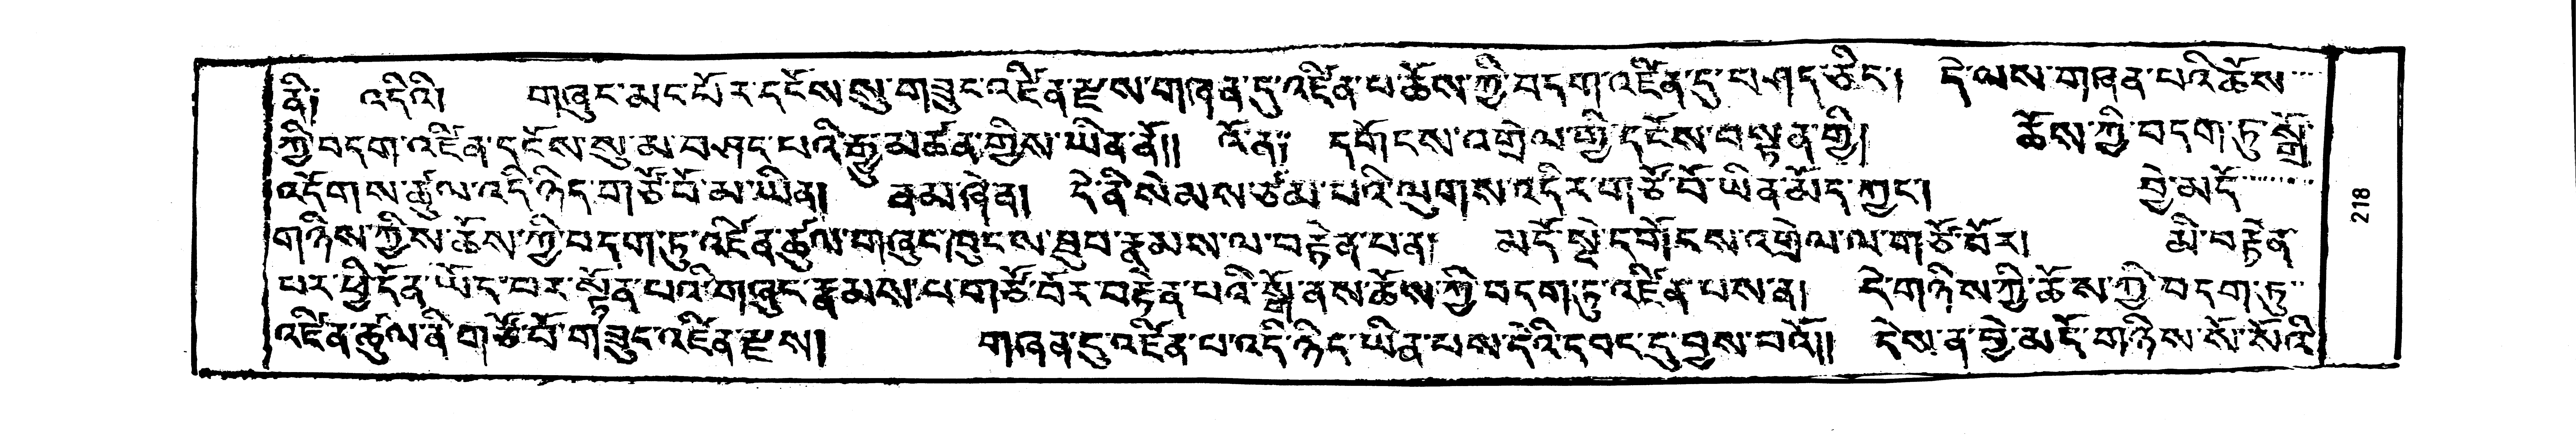ནི། འདིའི། གཞུང་མང་པོར་དངོས་སུ་གཟུང་འཛིན་རྫས་གཞན་དུ་འཛིན་པ་ཆོས་ཀྱི་བདག་འཛིན་དུ་བཤད་ཅིང་། དེ་ལས་གཞན་པའི་ཆོས་
ཀྱི་བདག་འཛིན་དངོས་སུ་མ་བཤད་པའི་རྒྱུ་མཚན་གྱིས་ཡིན་ནོ། །འོ་ན། དགོངས་འགྲེལ་གྱི་དངོས་བསྟན་གྱི། ཆོས་ཀྱི་བདག་ཏུ་སྒྲོ་
འདོགས་ཚུལ་འདི་ཉིད་གཙོ་བོ་མ་ཡིན། ནམ་ཞེ་ན། དེ་ནི་སེམས་ཙམ་པའི་ལུགས་འདིར་གཙོ་བོ་ཡིན་མོད་ཀྱང་། བྱེ་མདོ་
གཉིས་ཀྱིས་ཆོས་ཀྱི་བདག་ཏུ་འཛིན་ཚུལ་གཞུང་ཁུངས་ཐུབ་རྣམས་ལ་བརྟེན་པ་ན། མདོ་སྡེ་དགོངས་འགྲེལ་ལ་གཙོ་བོར། མི་བརྟེན་
པར་ཕྱི་དོན་ཡོད་པར་སྟོན་པའི་གཞུང་རྣམས་པ་གཙོ་བོར་བརྟེན་པའི་སྒོ་ནས་ཆོས་ཀྱི་བདག་ཏུ་འཛིན་པས་ན། དེ་གཉིས་ཀྱི་ཆོས་ཀྱི་བདག་ཏུ་
འཛིན་ཚུལ་ནི་གཙོ་བོ་གཟུང་འཛིན་རྫས། གཞན་དུ་འཛིན་པ་འདི་ཉིད་ཡིན་པས་དེའི་དབང་དུ་བྱས་པའོ། །དེས་ན་བྱེ་མདོ་གཉིས་སོ་སོའི་